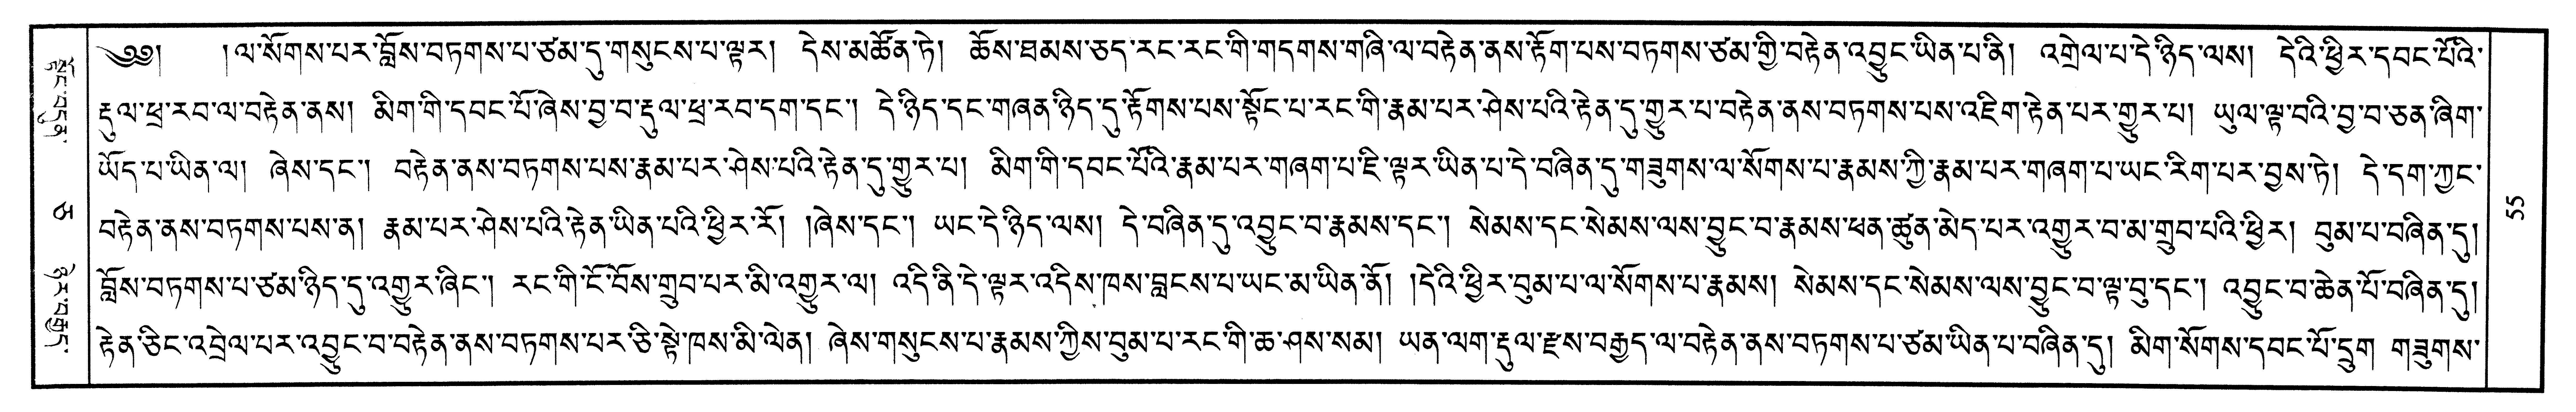༄༅། །ལ་སོགས་པར་བློས་བཏགས་པ་ཙམ་དུ་གསུངས་པ་ལྟར། དེས་མཚོན་ཏེ། ཆོས་ཐམས་ཅད་རང་རང་གི་གདགས་གཞི་ལ་བརྟེན་ནས་རྟོག་པས་བཏགས་ཙམ་གྱི་བརྟེན་འབྱུང་ཡིན་པ་ནི། འགྲེལ་པ་དེ་ཉིད་ལས། དེའི་ཕྱིར་དབང་པོའི་
རྡུལ་ཕྲ་རབ་ལ་བརྟེན་ནས། མིག་གི་དབང་པོ་ཞེས་བྱ་བ་རྡུལ་ཕྲ་རབ་དག་དང་། དེ་ཉིད་དང་གཞན་ཉིད་དུ་རྟོགས་པས་སྟོང་པས་སྟོང་པ་རང་གི་རྣམ་པར་ཤེས་པའི་རྟེན་དུ་གྱུར་པ་བརྟེན་ནས་བཏགས་པས་འཇིག་རྟེན་པར་གྱུར་པ། ཡུལ་ལྟ་བའི་བྱ་བ་ཅན་ཞིག་
ཡོད་པ་ཡིན་ལ། ཞེས་དང་། བརྟེན་ནས་བཏགས་པས་རྣམ་པར་ཤེས་པའི་རྟེན་དུ་གྱུར་པ། མིག་གི་དབང་པོའི་རྣམ་པར་གཞག་པ་ཇི་ལྟར་ཡིན་པ་དེ་བཞིན་དུ་གཟུགས་ལ་སོགས་པ་རྣམས་ཀྱི་རྣམ་པར་གཞག་པ་ཡང་རིག་པར་བྱས་ཏེ། དེ་དག་ཀྱང་
བརྟེན་ནས་བཏགས་པས་ན། རྣམ་པར་ཤེས་པའི་རྟེན་ཡིན་པའི་ཕྱིར་རོ། །ཞེས་དང་། ཡང་དེ་ཉིད་ལས། དེ་བཞིན་དུ་འབྱུང་བ་རྣམས་དང་། སེམས་དང་སེམས་ལས་བྱུང་བ་རྣམས་ཕན་ཚུན་མེད་པར་འགྱུར་བ་མ་གྲུབ་པའི་ཕྱིར། བུམ་པ་བཞིན་དུ།
བློས་བཏགས་པ་ཙམ་ཉིད་དུ་འགྱུར་ཞིང་། རང་གི་ངོ་བོས་གྲུབ་པར་མི་འགྱུར་ལ། འདི་ནི་དེ་ལྟར་འདིས་ཁས་བླངས་པ་ཡང་མ་ཡིན་ནོ། །དེའི་ཕྱིར་བུམ་པ་ལ་སོགས་པ་རྣམས། སེམས་དང་སེམས་ལས་བྱུང་བ་ལྟ་བུ་དང་། འབྱུང་བ་ཆེན་པོ་བཞིན་དུ།
རྟེན་ཅིང་འབྲེལ་པར་འབྱུང་བ་བརྟེན་ནས་བཏགས་པར་ཅི་སྟེ་ཁས་མི་ལེན། ཞེས་གསུངས་པ་རྣམས་ཀྱིས་བུམ་པ་རང་གི་ཆ་ཤས་སམ། ཡན་ལག་རྡུལ་རྫས་བརྒྱད་ལ་བརྟེན་ནས་བཏགས་པ་ཙམ་ཡིན་པ་བཞིན་དུ། མིག་སོགས་དབང་པོ་དྲུག་གཟུགས་